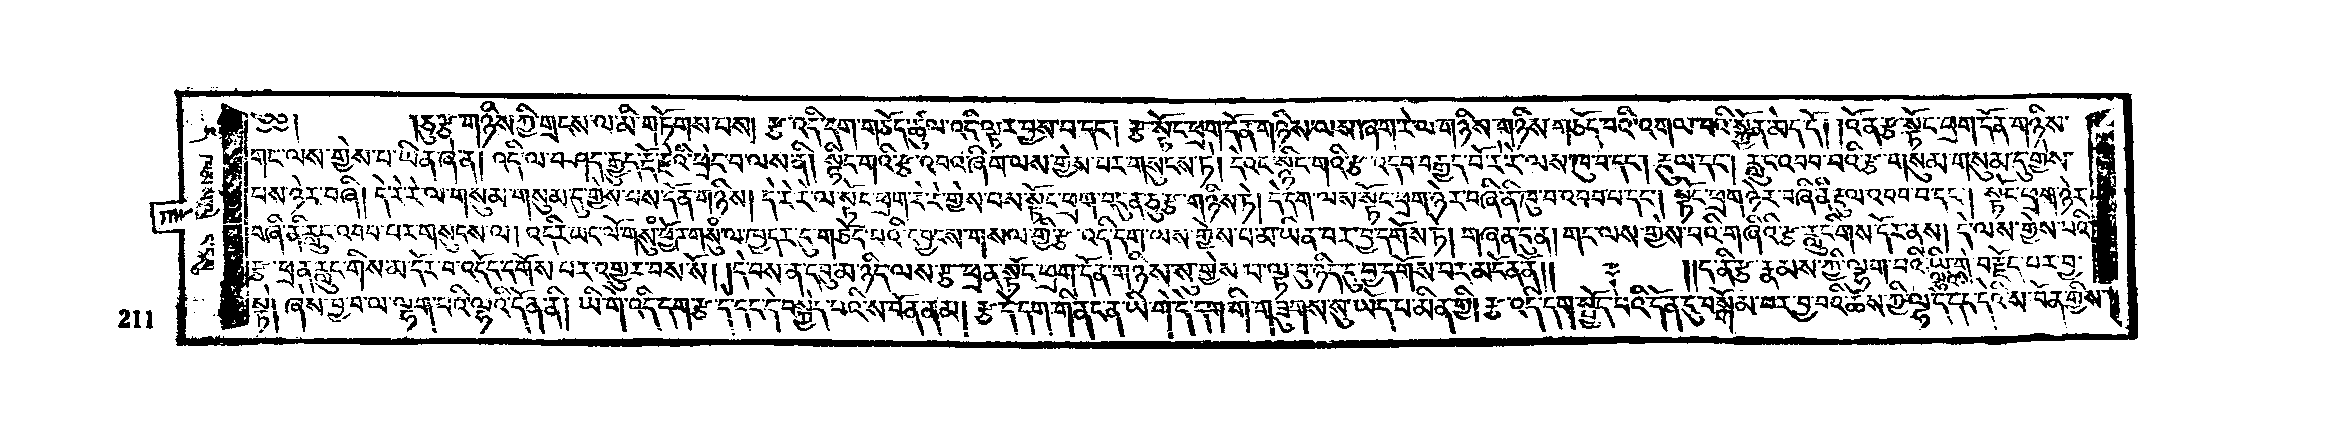༄༅། །ཅུ་རྩ་གཉིས་ཀྱི་གྲངས་ལ་མི་གཏོགས་པས། རྩ་འདི་དག་གཅོད་ཚུལ་འདི་ལྟར་བྱས་པ་དང་། རྩ་སྟོང་ཕྲག་དོན་གཉིས་ལས་ཞག་རེ་ལ་གཉིས་གཉིས་གཅོད་པའི་འགལ་བའི་སྐྱོན་མེད་དོ། །འོ་ན་རྩ་སྟོང་ཕྲག་དོན་གཉིས་
གང་ལས་གྱེས་པ་ཡིན་ཞེ་ན། འདི་ལ་བཤད་རྒྱུད་རྡོ་རྗེའི་ཕྲེང་བ་ལས་ནི། སྙིང་གའི་རྩ་འབའ་ཞིག་ལས་གྱེས་པར་གསུངས་ཏེ། དེའང་སྙིང་གའི་རྩ་འདབ་བརྒྱད་པོ་རེ་རེ་ལས་ཁུ་བ་དང་། རྡུལ་དང་། རླུང་འབབ་པའི་རྩ་གསུམ་གསུམ་དུ་གྱེས་
པས་ཉེར་བཞི། དེ་རེ་རེ་ལ་གསུམ་གསུམ་དུ་གྱེས་པས་དོན་གཉིས། དེ་རེ་རེ་ལ་སྟོང་ཕྲག་རེ་རེ་གྱེས་པས་སྟོང་ཕྲག་བདུན་ཅུ་རྩ་གཉིས་ཏེ། དེ་དག་ལས་སྟོང་ཕྲག་ཉེར་བཞི་ནི་ཁུ་བ་འབབ་པ་དང་། སྟོང་ཕྲག་ཉེར་བཞི་ནི་རྡུལ་འབབ་པ་དང་། སྟོང་ཕྲག་ཉེར་
བཞི་ནི་རླུང་འབབ་པར་གསུངས་ལ། འདིར་ཡང་ལོ་གསུམ་ཕྱོགས་གསུམ་ལ་ཁྱད་པར་དུ་གཅོད་པའི་དབྱངས་གསལ་གྱི་རྩ་འདི་དག་ལས་གྱེས་པ་མ་ཡིན་པར་བྱ་དགོས་ཏེ། གཞན་དུ་ན། གང་ལས་གྱེས་པའི་གཞིའི་རྩ་རླུང་གིས་དོར་ནས། དེ་ལས་གྱེས་པའི་
རྩ་ཕྲན་རླུང་གིས་མ་དོར་བ་འདོད་དགོས་པར་འགྱུར་བས་སོ། །དེ་བས་ན་དབུ་མ་ཉིད་ལས་རྩ་ཕྲན་སྟོང་ཕྲག་དོན་གཉིས་སུ་གྱེས་པ་ལྟ་བུ་ཉིད་དུ་བྱ་དགོས་པར་མངོན་ནོ།། ༈ །།ད་ནི་རྩ་རྣམས་ཀྱི་ལྷག་པའི་ལྷའི་ཡི་གེ་བརྗོད་པར་བྱ་
སྟེ། ཞེས་བྱ་བ་ལ་ལྷག་པའི་ལྷའི་དོན་ནི། ཡི་གེ་འདི་དག་རྩ་དེ་དང་དེ་བསྐྱེད་པའི་ས་བོན་ནམ། རྩ་དེ་དག་གི་ནང་ན་ཡི་གེ་དེ་དག་གི་གཟུགས་སུ་ཡོད་པ་མིན་གྱི། རྩ་འདི་དག་སྤྱོད་པའི་དོན་དུ་བསྒོམ་པར་བྱ་བའི་ཆོས་ཀྱི་ལྷ་དེ་དང་དེའི་ས་བོན་གྱིས་